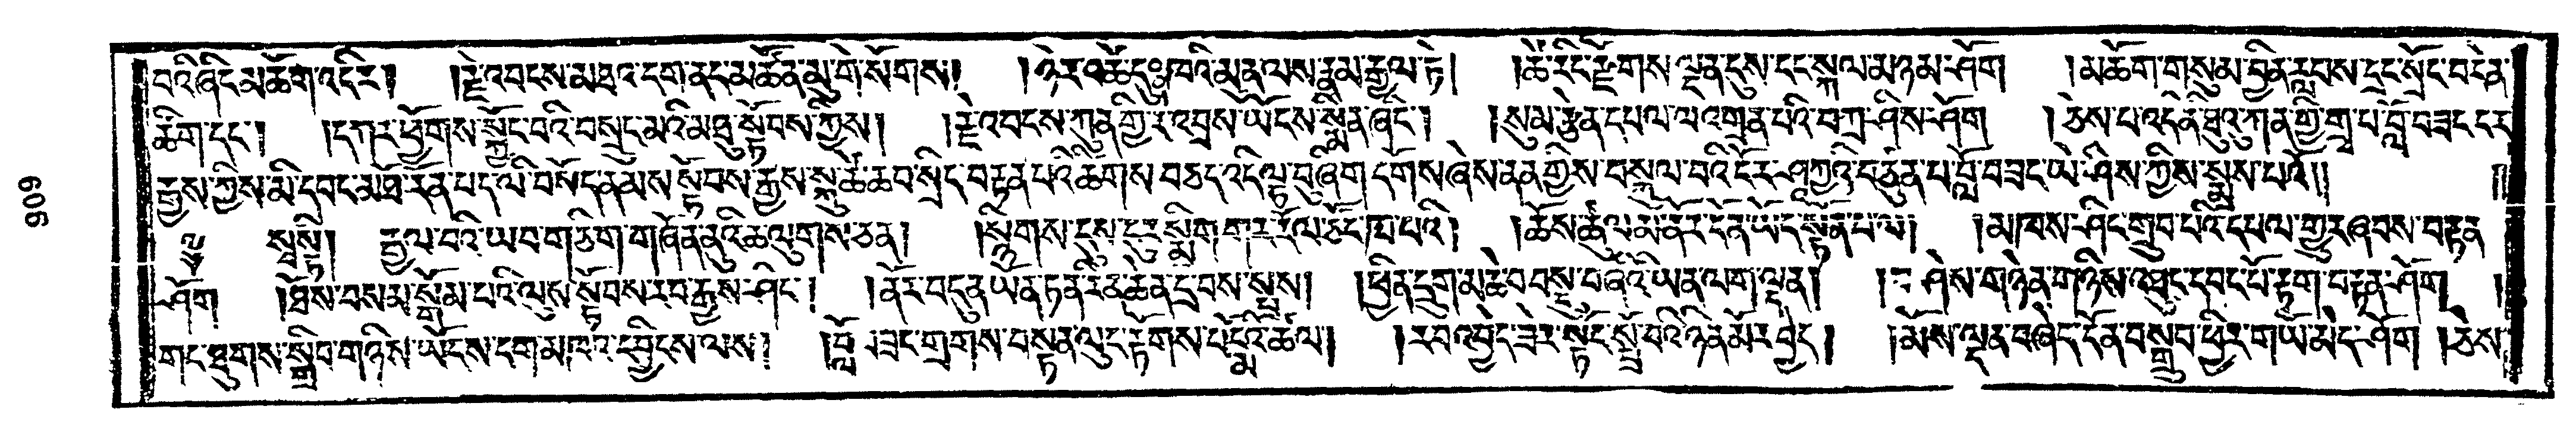བའི་ཞིང་མཆོག་འདིར། །རྗེ་འབངས་མཐའ་དག་ནང་མཚོན་མུ་གེ་སོགས། །ཉེར་འཚེ་དུཿ ཁའི་མུན་ལས་རྣམ་རྒྱལ་ཏེ། །ཚེ་རིང་རྫོགས་ལྡན་དུས་དང་སྐལ་མཉམ་ཤོག །མཆོག་གསུམ་བྱིན་རླབས་དྲང་སྲོང་བདེན་
ཚིག་དང་། །དཀར་ཕྱོགས་སྐྱོང་བའི་བསྲུང་མའི་མཐུ་སྟོབས་ཀྱིས། །རྗེ་འབངས་ཀུན་གྱི་རེ་འབྲས་ཡོངས་སྨིན་ཞིང་། །སུམ་རྩེན་དཔལ་ལ་འགྲན་པའི་བཀྲ་ཤིས་ཤོག །ཅེས་པ་འདི་ནི་ཐུའུ་ཀན་གྱི་གྲྭ་པོ་བློ་བཟང་ངར་
རྒྱས་ཀྱིས་མི་དབང་མཐོ་རོན་པད་ལི་བསོད་ནམས་སྟོབས་རྒྱས་སྐུ་ཚེ་ཆབ་སྲིད་བརྟན་པའི་ཚིགས་བཅད་འདི་ལྟ་བུ་ཞིག་དགོས་ཞེས་ནན་གྱིས་བསྐུལ་བའི་ངོར་ཤཱཀྱའི་བཙུན་པ་བློ་བཟང་ཡེ་ཤེས་ཀྱིས་སྨྲས་པའོ།། །།
༈ སྭསྟི། རྒྱལ་བའི་ཡབ་གཅིག་གཞོན་ནུའི་ཆ་ལུགས་ཅན། །སྙིགས་དུས་དུར་སྨྲིག་གར་རོལ་ཙོང་ཁ་པའི། །ཆོས་ཚུལ་མ་ནོར་དོན་ཡོད་སྟོན་པ་ལ། །མཁས་ཤིང་གྲུབ་པའི་དཔལ་གྱུར་ཞབ་བརྟན་
ཤོག །ཐོས་བསམ་སྒོམ་པའི་ལུས་སྟོབས་རབ་རྒྱས་ཤིང་། །ནོར་བདུན་ཡོན་ཏན་རིན་ཆེན་དྲ་བས་སྤས། །ཕྱིན་དྲུག་མཆེ་བ་བསྡུ་བཞིའི་ཡན་ལག་ལྡན། །བཤེས་གཉེན་གཉིས་འཐུང་དབང་པོ་རྟག་བརྟན་ཤོག །
གང་ཐུགས་སྒྲིབ་གཉིས་ཡོངས་དག་མཁའ་དབྱིངས་ལས། །བློ་བཟང་གྲགས་བསྟན་ལུང་རྟོགས་པདམོའི་ཚལ། །རབ་འབྱེད་ཟེར་སྟོང་སྤྲོ་བའི་ཉིན་མོར་བྱེད། །མོས་ལྡན་བཞེད་དོན་བསྒྲུབ་ཕྱིར་གཡོ་མེད་ཤོག །ཅེས་